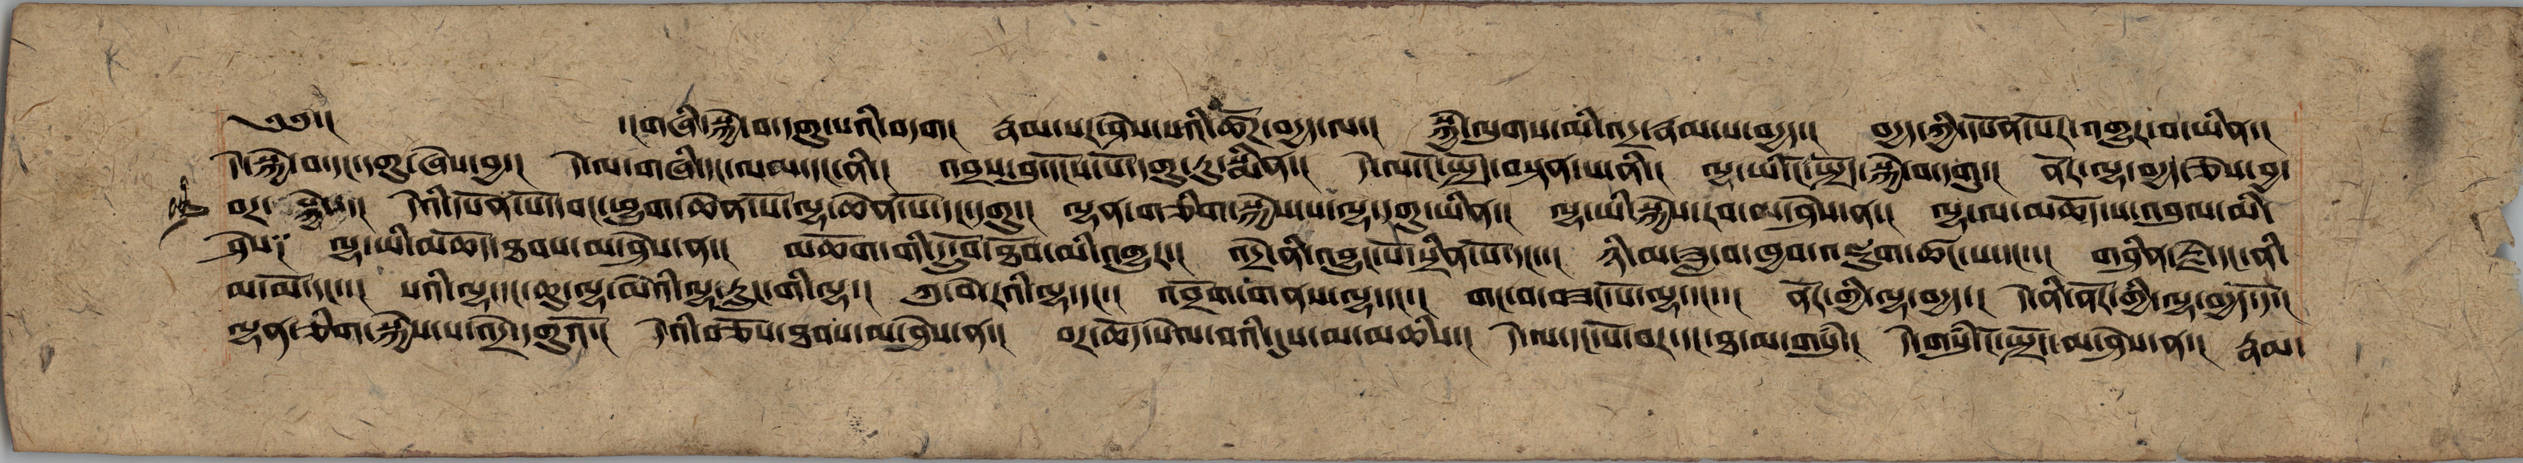༄༅་། ་།གཞི་སྐྱེ་བ་དགུ་པའི་བདག། རྣམ་པར་ཤེས་པའི་ཚོཌ་བདྱད་ལ་། སྐྱེ་ལུགས་མི་འདྲ་རྣམ་པ་བདྱད་། བདྱད་ཀྱི་དཔོན་པོར་འགྱུར་བ་ཡིན་།
དེ་སྐྱེ་བ་དང་དགུ་ཞེས་བྱ་། དེ་ལ་གཞི་དང་ལམ་དང་ནི་། འབྲས་བུ་དངོས་པོ་དགུ་རུ་སྨིན་། དེ་ལ་ངོ་སྤྲོད་བསྟན་པ་ནི་། ལྷ་ཡི་ངོ་སྤྲོད་སྐྱེ་བ་དགུ་། ནོར་ལྷ་བདྱདཅེས་བྱ་
བར་སྐྱེས་། དེའི་དཔོན་པོ་དབང་ཕྱུག་ཆེན་པོ་ལྷ་ཆེན་པཽ་དང་དགུ་། ལྷན་གཅིག་སྐྱེས་པ་ལྷ་དགུ་ཡིན་། ལྷ་ཡི་སྐྱེས་རབ་མ་ཤེས་ན་། ལྷ་ལ་མཆོད་པ་འབུལ་མི་
ཤེས༑ ལྷ་ཡི་མཆོད་ཐབས་མ་ཤེས་ན་། མཆོག་གི་དངྲོུབ་ཐོབ་མི་འགྱུར་། འདྲེ་ནི་འབྱུང་པོ་སྲིན་པོ་དང་་། ཉི་མ་ཟླ་བ་ཁྱབ་འཇུག་ཚང་པ་དང་་། གཤིན་རྗེ་དང་ནི་
མ་མོ་དང་་། སའི་ལྷ་དང་ཆུ་ལྷ་མེའི་ལྷ་རླུང་གི་ལྷ་། ཀུ་བེ་རའི་ལྷ་དང་་། འབྲོག་གནས་ལྷ་དང་་། གང་བ་བཟང་པོ་ལྷ་དང་་། ནོར་གྱི་ལྷ་བདྱད། དེ་ནི་ནོར་གྱི་ལྷ་བདྱད་དོ་།
ལྷན་ཅིག་སྐྱེས་པ་འདྲེ་དགུའོ་། དེའི་བཅོས་ཐབས་ལ་མ་བྱེས་ན་། བར་ཆོད་སེལ་བའི་དུས་མ་མཆི་། དེ་ལ་དང་པོ་བར་དང་ཐ་མ་གསུཾ་། དེ་གསུཾ་ངོ་སྤྲོད་མ་ཤེས་ན་། རྣམ་